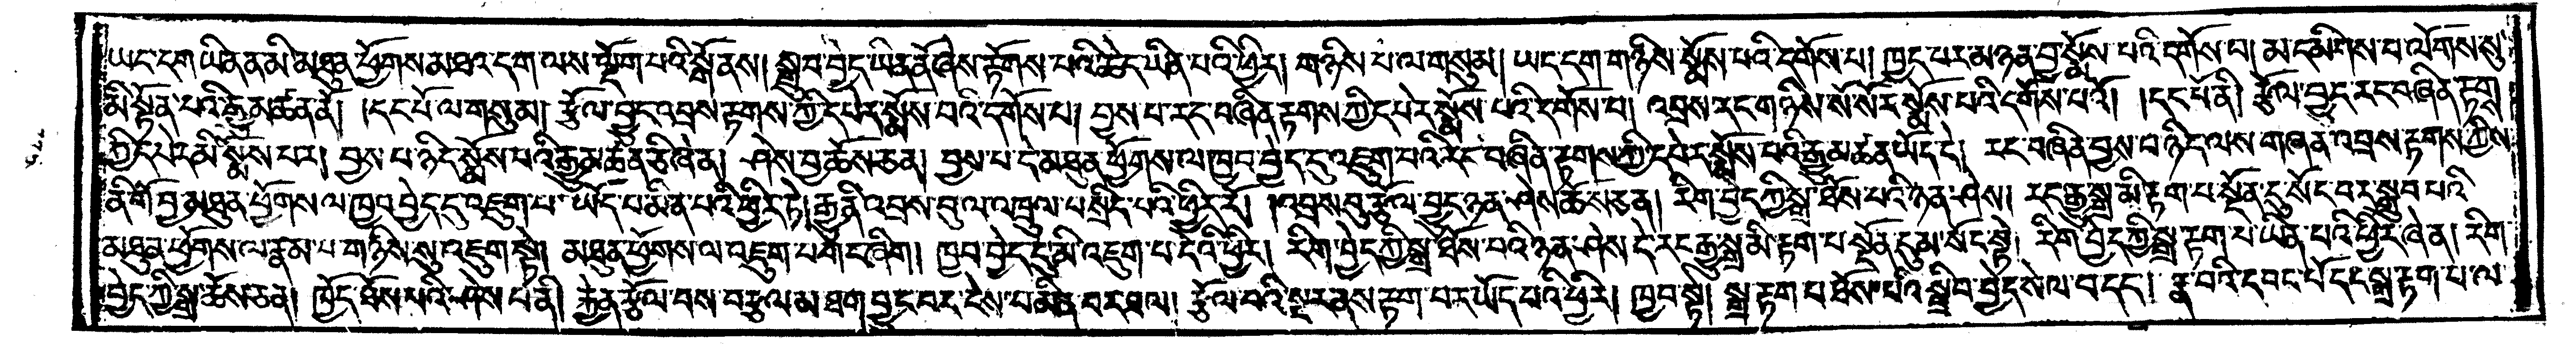ཡང་དག་ཡིན་ན་མི་མཐུན་ཕྱོགས་མཐའ་དག་ལས་ལྡོག་པའི་སྒོ་ནས། སྒྲུབ་བྱེད་ཡིན་ནོ་ཞེས་རྟོགས་པའི་ཆེད་ཡིན་པའི་ཕྱིར། གཉིས་པ་ལ་གསུམ། ཡང་དག་གཉིས་སྨོས་པའི་དགོས་པ། ཁྱད་པར་མཉན་བྱ་སྨོས་པའི་དགོས་པ། མ་དམིགས་པ་ལོགས་སུ་
མི་སྟོན་པའི་རྒྱུ་མཚན་ནོ། །དང་པོ་ལ་གསུམ། རྩོལ་བྱུང་འབྲས་རྟགས་ཀྱི་དཔེར་སྨོས་པའི་དགོས་པ། བྱས་པ་རང་བཞིན་རྟགས་ཀྱི་དཔེར་སྨོས་པའི་དགོས་པ། འབྲས་རང་གཉིས་སོ་སོར་སྨོས་པའི་དགོས་པའོ། །དང་པོ་ནི། རྩོལ་བྱུང་རང་བཞིན་རྟགས།
ཀྱི་དཔེར་མི་སྨོས་པར། བྱས་པ་ཉིད་སྨོས་པའི་རྒྱུ་མཚན་ཅི་ཞེ་ན། ཤེས་བྱ་ཆོས་ཅན། བྱས་པ་དེ་མཐུན་ཕྱོགས་ལ་ཁྱབ་བྱེད་དུ་འཇུག་པའི་རང་བཞིན་རྟགས་ཀྱི་དཔེར་སྨོས་པའི་རྒྱུ་མཚན་ཡོད་དེ། རང་བཞིན་བྱས་པ་ཉིད་ལས་གཞན་འབྲས་རྟགས་ཀྱིས་
ནི་གོ་བྱ་མཐུན་ཕྱོགས་ལ་ཁྱབ་བྱེད་དུ་འཇུག་པ་ཡོད་པ་མིན་པའི་ཕྱིར་ཏེ། རྒྱུ་ནི་འབྲས་བུ་ལ་འཁྲུལ་པ་སྲིད་པའི་ཕྱིར་རོ། །འབྲས་བུ་རྩོལ་བྱུང་ཉན་ཤེས་ཆོས་ཅན། རིག་བྱེད་ཀྱི་སྒྲ་ཐོས་པའི་ཉན་ཤེས། རང་རྒྱུ་སྒྲ་མི་རྟག་པ་སྔོན་དུ་སོང་བར་སྒྲུབ་པའི་
མཐུན་ཕྱོགས་ལ་རྣམ་པ་གཉིས་སུ་འཇུག་སྟེ། མཐུན་ཕྱོགས་ལ་འཇུག་པ་གང་ཞིག། ཁྱབ་བྱེད་དུ་མི་འཇུག་པ་དེའི་ཕྱིར། རིག་བྱེད་ཀྱི་སྒྲ་ཐོས་པའི་ཉན་ཤེས་དེ་རང་རྒྱུ་སྒྲ་མི་རྟག་པ་སྔོན་དུ་མ་སོང་སྟེ། རིག་བྱེད་ཀྱི་སྒྲ་རྟག་པ་ཡིན་པའི་ཕྱིར་ཞེ་ན། རིག་
བྱེད་ཀྱི་སྒྲ་ཆོས་ཅན། ཁྱོད་ཐོས་པའི་ཤེས་པ་ནི། རྐྱེན་རྩོལ་པས་བརྩལ་མ་ཐག་བྱུང་བར་ངེས་པ་མིན་པར་ཐལ། རྩོལ་བའི་སྔར་ནས་རྟག་པར་ཡོད་པའི་ཕྱིར། ཁྱབ་སྟེ། སྒྲ་རྟག་པ་ཐོས་པའི་སྒྲིབ་བྱེད་སེལ་བ་དང་། རྣ་བའི་དབང་པོ་དང་སྒྲ་རྟག་པ་ལ་